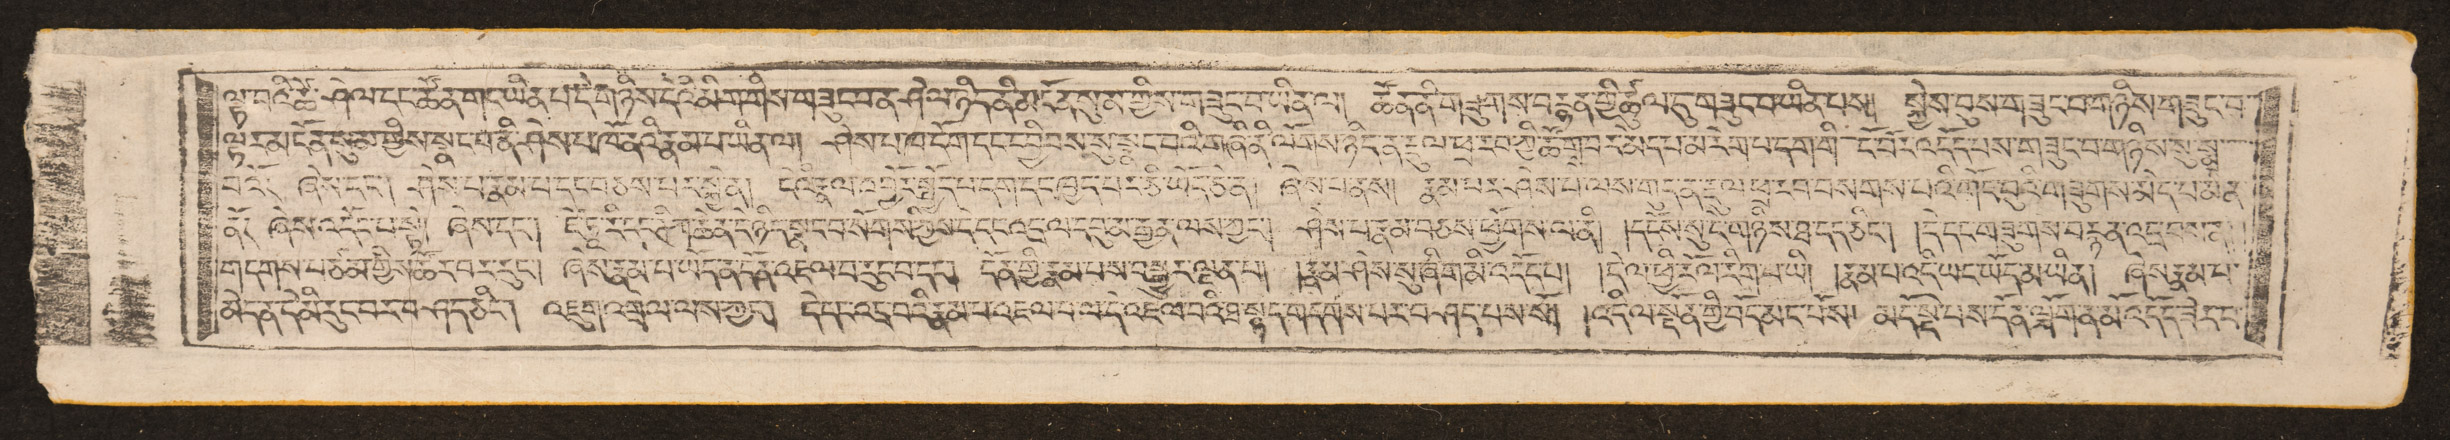ལྟ་བའི་ཚེ་ཤེལ་དང་ཚོན་གང་ཡིན་པ་དེ་གཉིས་དེའི་མིག་གིས་གཟུང་བ་ན་ཤེལ་ཉིད་ནི་མངོན་སུམ་གྱིས་གཟུང་བ་ཡིན་ལ། ཚོན་ནི་གཟུགས་བརྙན་གྱི་ཚུལ་དུ་གཟུང་བ་ཡིན་པས། སྐྱེས་བུས་གཟུང་བ་གཉིས་གཟུང་བ་
ལྟར་མངོན་སུམ་གྱིས་སྣང་བ་ནི་ཤེས་པ་ཁོ་ནའི་རྣམ་པ་ཡིན་ལ། ཤེས་པ་ཁ་དོག་དང་དབྱིབས་སུ་སྣང་བའི་གཞི་ནི་ལོགས་ཉིད་ན་རྡུལ་ཕྲ་རབ་ཀྱི་ཚོགས་པར་མེད་པ་མ་རེག་པ་དག་གི་ངོ་བོར་འདོད་པས་གཟུང་བ་གཉིས་སུ་སྨྲ་
བའོ༑ ཞེས་དང་། ཤེས་པ་རྣམ་པ་དང་བཅས་པར་སྐྱེ་ན། དེའི་རྣལ་འབྱོར་སྤྱོད་པ་དག་དང་ཁྱད་པར་ཅི་ཡོད་ཅེ་ན། ཞེས་པ་ནས། རྣམ་པར་ཤེས་པ་ལས་གུད་ན་རྡུལ་ཕྲ་རབ་བསགས་པའི་གོང་བུའི་གཟུགས་མེད་པ་མིན་
ནོ༑ ཞེས་འདོད་པ་སྟེ། ཞེས་དང་། ཛེ་ཏཱ་རི་དང་ཊིཀ་ཆེན་དེ་ཉིད་སྣང་བ་སོགས་ཀྱིས་དེ་དང་འདྲ་ལ་དབུ་མ་རྒྱན་ལས་ཀྱང་། ཤེས་པ་རྣམ་བཅས་ཕྱོགས་ལ་ནི། །དངོས་སུ་དེ་གཉིས་ཐ་དད་ཅིང་། །དེ་དང་གཟུགས་བརྙན་འདྲ་བས་ན། །
གདགས་པ་ཙམ་གྱིས་ཚོར་བར་རུང་། ཞེས་རྣམ་པ་ཡོད་ན་དོན་འཇལ་བ་རུང་བ་དང་། དོན་གྱི་རྣམ་པས་བསྒྱུར་ལྡན་པ། །རྣམ་ཤེས་སུ་ཞིག་མི་འདོད་པ། །དེ་ལ་ཕྱི་རོལ་རིག་པ་ཡི། །རྣམ་པ་འདི་ཡང་ཡོད་མ་ཡིན། ཞེས་རྣམ་པ་
མེད་ན་དེ་མི་རུང་བར་བཤད་ཅིང་། འཇུག་འགྲེལ་ལས་ཀྱང་། དེ་དང་འདྲ་བའི་རྣམ་པ་འཇལ་བ་ལ་དེ་འཇལ་བའི་ཐ་སྙད་གདགས་པར་བཤད་པས་སོ། །འདི་ལ་སྔོན་གྱི་བོད་མང་པོས། མདོ་སྡེ་པས་དོན་ལྐོག་ན་མོ་འདོད་ཟེར་བ་